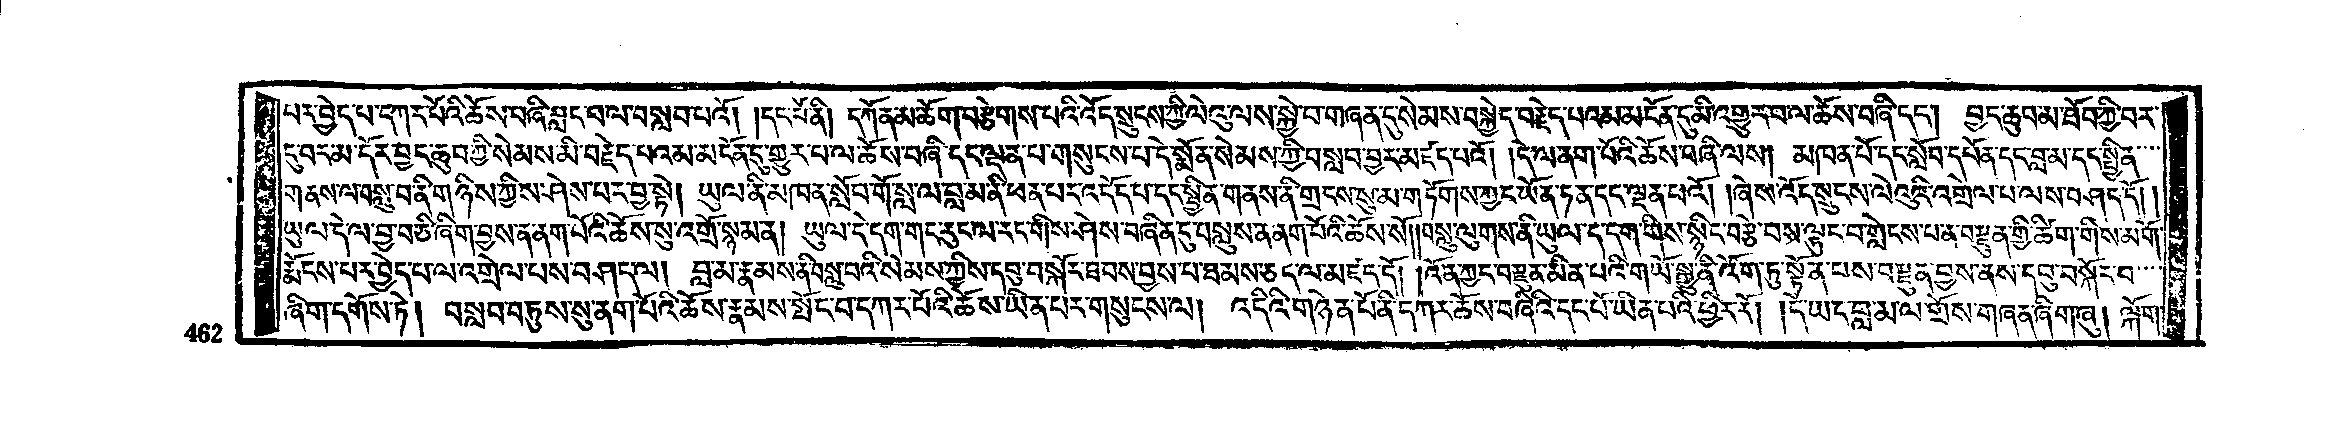པར་བྱེད་པ་དཀར་པོའི་ཆོས་བཞི་བླང་བ་ལ་བསླབ་པའོ། །དང་པོ་ནི། དཀོན་མཆོག་བརྩེགས་པའི་འོད་སྲུངས་ཀྱི་ལེའུ་ལས་སྐྱེ་བ་གཞན་དུ་སེམས་བསྐྱེད་བརྗེད་པའམ་མངོན་དུ་མི་འགྱུར་བ་ལ་ཆོས་བཞི་དང་། བྱང་ཆུབ་མ་ཐོབ་ཀྱི་བར་
དུ་བར་མ་དོར་བྱང་ཆུབ་ཀྱི་སེམས་མི་བརྗེད་པའམ་མངོན་དུ་གྱུར་པ་ལ་ཆོས་བཞི་དང་ལྡན་པ་གསུངས་པ་དེ་སྨོན་སེམས་ཀྱི་བསླབ་བྱར་མཛད་པའོ། །དེ་ལ་ནག་པོའི་ཆོས་བཞི་ལས། མཁན་པོ་དང་སློབ་དཔོན་དང་བླ་མ་དང་སྦྱིན་
གནས་ལ་བསླུ་བ་ནི་གཉིས་ཀྱིས་ཤེས་པར་བྱ་སྟེ། ཡུལ་ནི་མཁན་སློབ་གོ་སླ་ལ་བླ་མ་ནི་ཕན་པར་འདོད་པ་དང་སྦྱིན་གནས་ནི་གྲངས་སུ་མ་གཏོགས་ཀྱང་ཡོན་ཏན་དང་ལྡན་པའོ། །ཞེས་འོད་སྲུངས་ལེའུའི་འགྲེལ་པ་ལས་བཤད་དོ། །
ཡུལ་དེ་ལ་བྱ་བ་ཅི་ཞིག་བྱས་ན་ནག་པོའི་ཆོས་སུ་འགྲོ་སྙམ་ན། ཡུལ་དེ་དག་གང་རུང་ལ་རང་གིས་ཤེས་བཞིན་དུ་བསླུས་ན་ནག་པོའི་ཆོས་སོ། །བསླུ་ལུགས་ནི་ཡུལ་དེ་དག་གིས་སྙིང་བརྩེ་བས་ལྟུང་བ་གླེངས་པ་ན་བརྫུན་གྱི་ཚིག་གིས་མགོ་
རྨོངས་པར་བྱེད་པ་ལ་འགྲེལ་པས་བཤད་ལ། བླ་མ་རྣམས་ནི་བསླུ་བའི་སེམས་ཀྱིས་དབུ་བསྐོར་ཐབས་བྱས་པ་ཐམས་ཅད་ལ་མཛད་དོ། །འོན་ཀྱང་བརྫུན་མིན་པའི་གཡོ་སྒྱུ་ནི་འོག་ཏུ་སྟོན་པས་བརྫུན་བྱས་ནས་དབུ་བསྐོར་བ་
ཞིག་དགོས་ཏེ། བསླབ་བཏུས་སུ་ནག་པོའི་ཆོས་རྣམས་སྤོང་བ་དཀར་པོའི་ཆོས་ཡིན་པར་གསུངས་ལ། འདིའི་གཉེན་པོ་ནི་དཀར་ཆོས་བཞིའི་དང་པོ་ཡིན་པའི་ཕྱིར་རོ། །དེ་ཡང་བླ་མ་ལ་གྲོས་གཞན་ཞིག་ཞུ། ལྐོག་